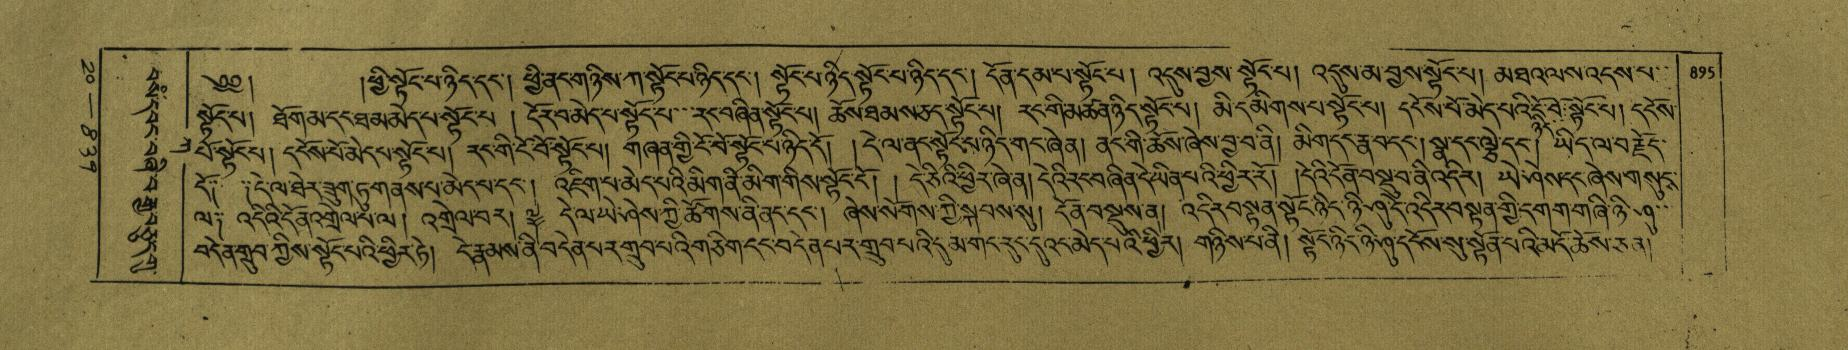༄༅། །ཕྱི་སྟོང་པ་ཉིད་དང་། ཕྱི་ནང་གཉིས་ཀ་སྟོང་པ་ཉིད་དང་། སྟོང་པ་ཉིད་སྟོང་པ་ཉིད་དང་། དོན་དམ་པ་སྟོང་པ། འདུས་བྱས་སྟོང་པ། འདུས་མ་བྱས་པ་སྟོང་པ། མཐའ་ལས་འདས་པ་
སྟོང་པ། ཐོག་མ་དང་ཐ་མ་མེད་པ་སྟོང་པ། དོར་བ་མེད་པ་སྟོད་པ་རང་བཞིན་སྟོང་པ། ཆོས་ཐམས་ཅད་སྟོང་པ། རང་གི་མཚན་ཉིད་སྟོང་པ། མི་དམིགས་པ་སྟོང་པ། དངོས་པོ་མེད་པའི་ཉིད་ངོ་བོ་སྟོང་པ། དངོས་
པོ་སྟོང་པ། དངོས་པོ་མེད་པ་སྟོང་པ། རང་གི་ངོ་བོ་སྟོང་པ། གཞན་གྱི་ངོ་བོ་སྟོང་པ་ཉིད་དོ། །དེ་ལ་ནང་སྟོང་པ་ཉིད་གང་ཞེ་ན། ནང་གི་ཆོས་ཞེས་བྱ་བ་ནི། མིག་དང་རྣ་བ་དང་། སྣ་དང་ལྕེ་དང་། ཡིད་ལ་བརྗོད་
དོ༑ ༑དེ་ལ་ཐེར་ཟུག་ཏུ་གནས་པ་མེད་པ་དང་། འཇིག་པ་མེད་པའི་མིག་ནི་མིག་གིས་སྟོང་ངོ། །དེ་ཅིའི་ཕྱིར་ཞེ་ན། དེའི་རང་བཞིན་དེ་ཡིན་པའི་ཕྱིར་རོ། །དེའི་དོན་བསྡུ་བ་ནི་འདིར། །ཡེ་ཤེས་དང་ཞེས་གསུངས་
ལ༑ འདིའི་དོན་འགྲེལ་པ་ལ། འགྲེལ་བར། ༈ །དེ་ལ་ཡེ་ཤེས་ཀྱི་ཚོགས་ནི་ནང་དང་། །ཞེས་སོགས་ཀྱི་སྐབས་སུ། དོན་བསྡུས་ན། འདིར་བསྟན་སྟོང་ཉིད་ཉི་ཤུ་དེ་འདིར་བསྟན་གྱི་དགག་གཞི་ཉི་ཤུ་
བདེན་གྲུབ་ཀྱིས་སྟོང་པའི་ཕྱིར་ཏེ། དེ་རྣམས་ནི་བདེན་པར་གྲུབ་པའི་གཅིག་དང་བདེན་པར་གྲུབ་པའི་དུ་མ་གང་རུང་དུ་འང་མེད་པའི་ཕྱིར། གཉིས་པ་ནི། སྟོང་ཉིད་ཉི་ཤུ་དངོས་སུ་སྟོན་པའི་མདོ་ཆོས་ཅན།